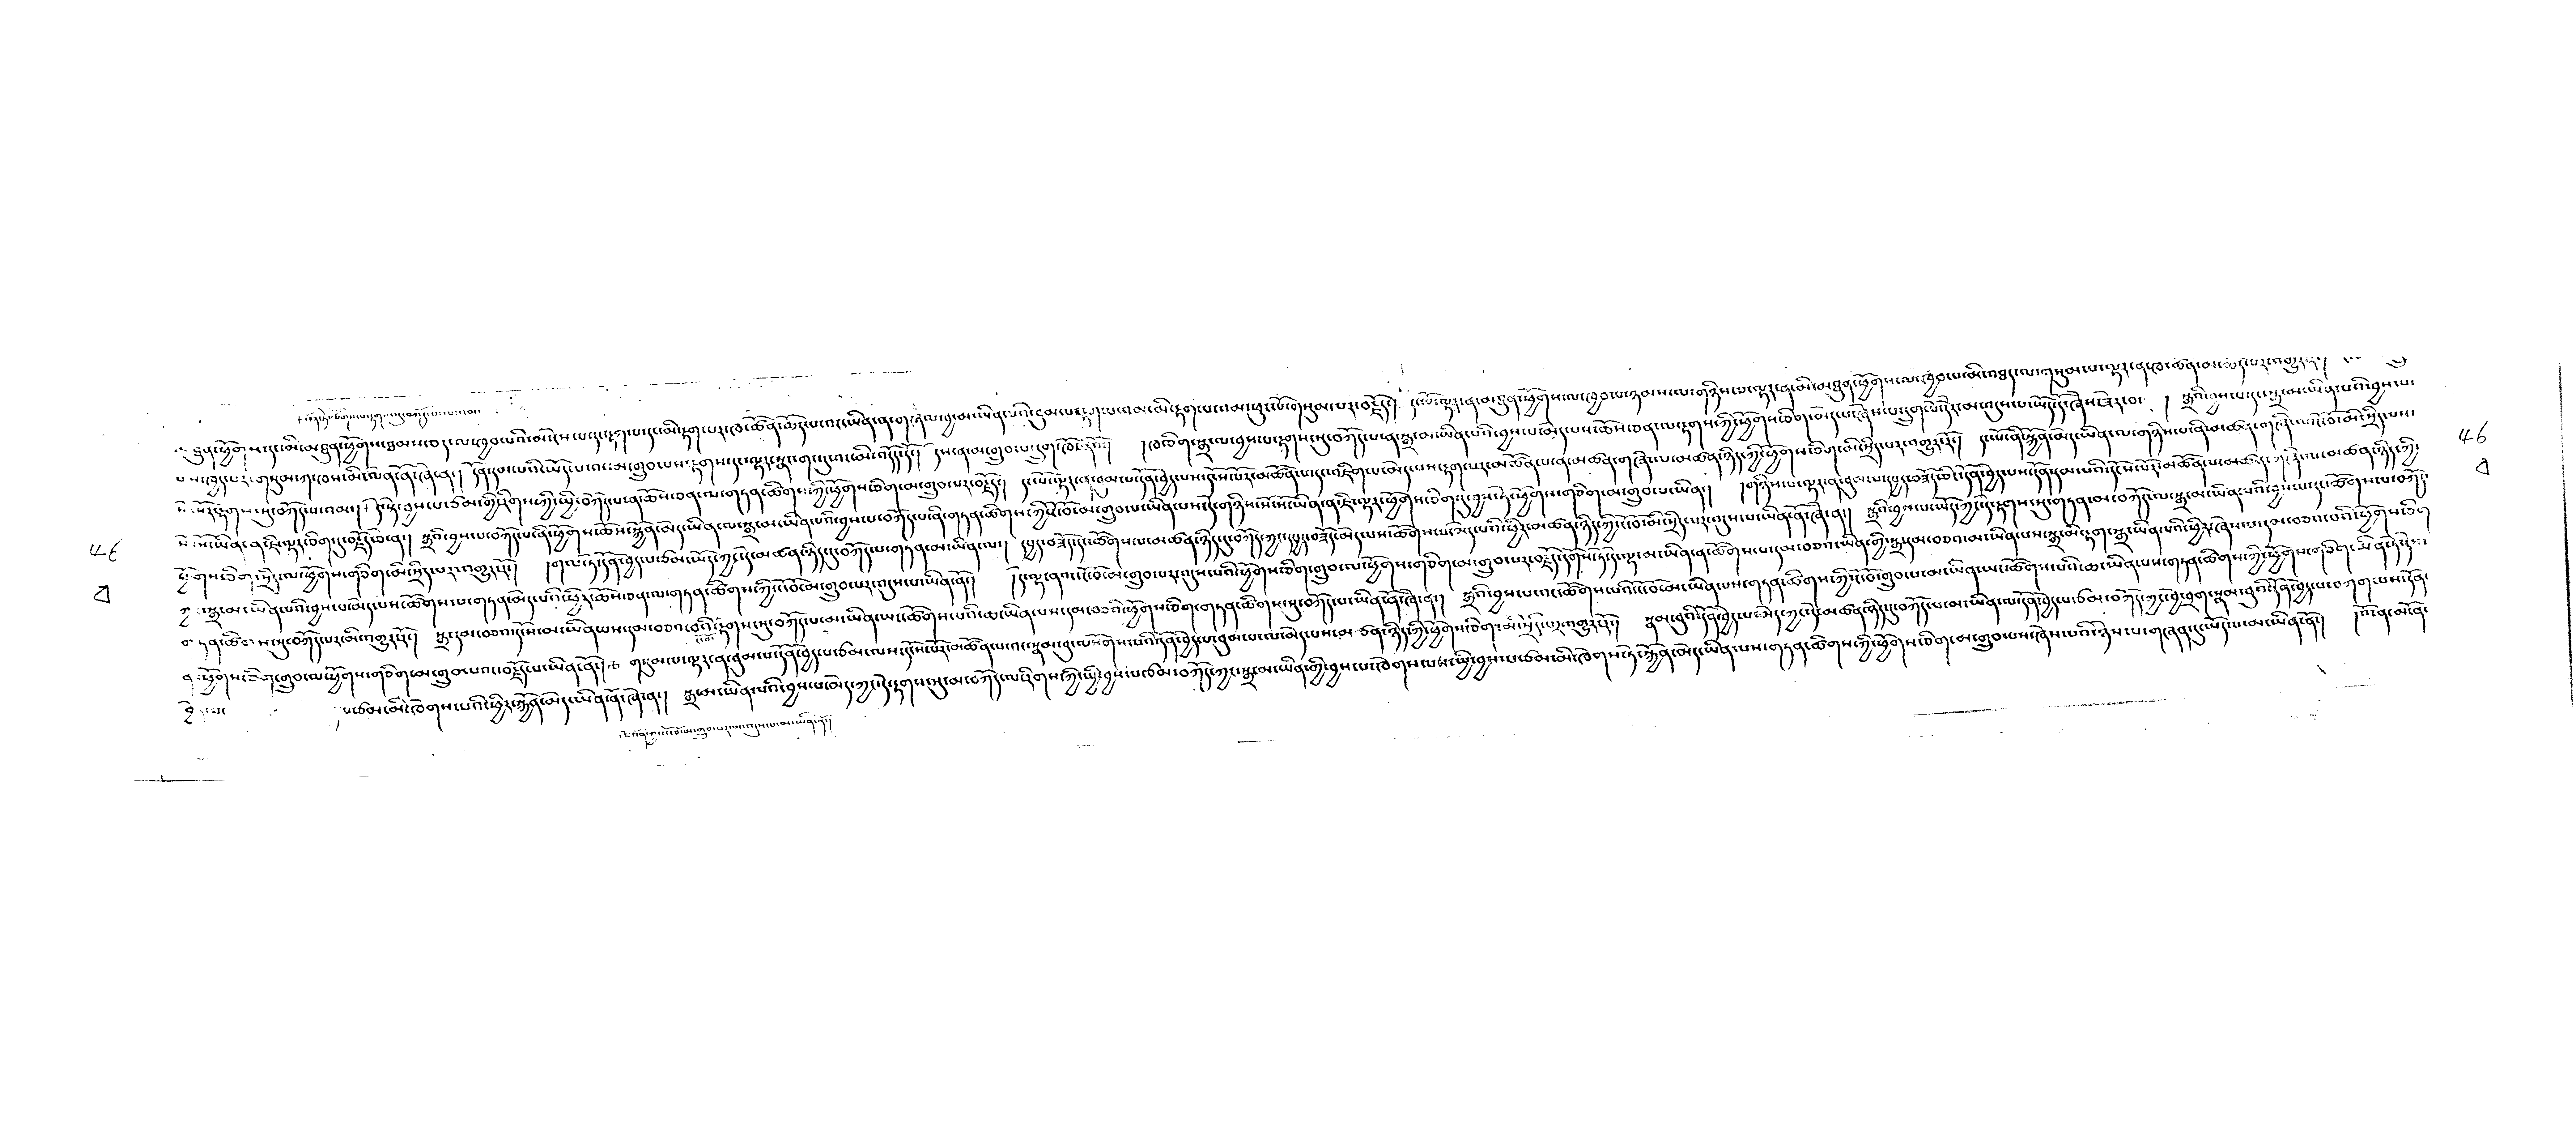མཐུན་ཕྱོགས་དང་མི་མཐུན་ཕྱོགས་ཐམས་ཅད་ལ་ཁྱབ་པའི་མ་ངེས་པ་དང་རྟག་པར་ཁ་ཚོན་ཆོད་པ་འང་ཡིན་ན་གཞལ་བྱ་མ་ཡིན་པའི་བུམ་པ་རྟག་པས་མ་མི་རྟག་པ་འམ་ཕུང་པོ་གསུམ་པར་བརྗོད། དང་པོ་ལྟར་ན་མཐུན་ཕྱོགས་ལ་ཁྱབ་པ་ཉམས་ལ་གཉིས་པ་ལྟར་ན་མི་མཐུན་ཕྱོགས་ལ་ཁྱབ་པ་མི་འཐད་ལ་གསུམ་པ་ལྟར་ན་ཁ་ཚོན་མ་ཆོད་པར་འགྱུར་རོ། ?
པས་ཁྱད་པར་གསུམ་ཀ་ཁས་མི་ལེན་ནོ་ཞེ་ན། དོན་དམ་པའི་ཡོད་པ་འང་མ་གྲུབ་པས་རྟགས་དང་ལྟར་སྣང་གང་དུ་འང་མི་འདོད་དོ། དེས་ན་མ་གྲུབ་པ་དྲུག་ཁོ་ནའོ། །ཁ་ཆིག་སྒྲ་ལ་བས་པ་རྟགས་སུ་བཀོད་པ་ན་སྒྲ་མ་ཡིན་པའི་བྱས་པ་མེད་པས་ཆོས་ཅན་ལ་རྟགས་ཀྱི་ཕྱོགས་ཅིག་པོ་དེ་པ་ཞེས་པ་དྲུག་པོ་དེར་མ་འདུས་པ་ཡོད་དོ་ཞེས་ཟེར་བ། སྒྲའི་བྱས་པ་དང་སྒྲ་མ་ཡིན་པའི་བྱས་པ་
སོ་སོར་རྟགས་སུ་བཀོད་པ་འམ། དེ་སྟེ་བྱས་པ་ཙམ་གྱི་རིགས་ཀྱི་སྤྱི་བཀོད་པ་ན་ཆོས་ཅན་ལ་གཏན་ཚིགས་ཀྱི་ཕྱོགས་ཅིག་མ་གྲུབ་པ་བརྗོད། དང་པོ་སྟོང་ན་བུམ་པ་དོན་བྱེད་པས་དངོས་པོར་མཚོན་པ་དང་འཇིག་པ་མེད་པས་རྟག་པར་མཚོན་པ་ན་མཚན་གཞི་ལ་མཚན་ཉིད་ཀྱི་ཕྱོགས་ཅིག་མི་སྲིད་པར་འགྱུར་རོ། དང་པོ་ནི་སྐྱོན་མེད་ཡིན་ལ་གཉིས་པ་ནི་མཚན་གཞི་ལ་ངོ་བོ་མི་སྲིད་པས་
སོ་སོ་ཡིན་ན་ཇི་ལྟར་ཅིག་དུ་བརྗོད་བ་ན། སྒྲའི་བྱས་པ་བཀོད་པ་ནི་ཕྱོགས་ཆོས་སྐྱོན་མེད་ཡིན་ལ་སྒྲ་མ་ཡིན་པའི་བྱས་པ་བཀོད་པ་ནི་གཏན་ཚིགས་ཀྱི་ངོ་བོ་མ་གྲུབ་པ་ཡིན་པས་དེ་གཉིས་སོ་སོ་ཡིན་ན་ཇི་ལྟར་ཕྱོགས་ཅིག་དུ་བྱས་ཏེ་ཕྱོགས་གཅིག་མ་གྲུབ་པ་ཡིན། །གཉིས་པ་ལྟར་ན་བུམ་པ་དཔྱད་བཟོད་ཅིང་དོན་བྱེད་པས་དོན་དམ་པའི་དངོས་པོར་མཚོན་པ་མཚན་གཞི་ལ་མཚན་ཉིད་ཀྱི་
ཕྱོགས་ཅིག་སྲིད་ལ་ཕྱོགས་གཅིག་མི་སྲིད་པར་འགྱུར་རོ། །གལ་ཏེ་དོན་བྱེད་པ་ཙམ་ཡོད་ཀྱང་དེ་མཚན་ཉིད་དུ་བཀོད་ལ་གཏན་མ་ཡིན་ལ། དཔྱད་བཟོད་དང་ཚོགས་པ་མཚན་ཉིད་དུ་བཀོད་ཀྱང་དཔྱད་བཟོད་མེད་པས་ཚོགས་པ་མེད་པའི་ཕྱིར་མཚན་ཉིད་ཀྱི་ངོ་བོ་མི་སྲིད་པར་འདུས་པ་ཡིན་ནོ་ཞེ་ན། སྒྲའི་བྱས་པ་ཡོད་ཀྱང་དེ་རྟགས་སུ་གཏན་མ་བཀོད་ལ་སྒྲ་མ་ཡིན་པའི་བྱས་པ་དང་ཚོགས་པ་བཀོད་
ཀྱང་སྒྲ་མ་ཡིན་པའི་བྱས་པ་མེད་པས་ཚོགས་པ་གཏན་མེད་པའི་ཕྱིར་ཆོས་ཅན་ལ་གཏན་ཚིགས་ཀྱི་ངོ་བོ་མ་གྲུབ་པར་འདུས་པ་ཡིན་ནོ། །དེ་ལྟ་ནའང་ངོ་བོ་མ་གྲུབ་པར་འདུས་པའི་ཕྱོགས་ཅིག་གྲུབ་ལ་ཕྱོགས་གཅིག་མ་གྲུབ་པར་བརྗོད་དགོས་ཏེ་དེ་ལྟ་མ་ཡིན་ན་ཚོགས་པ་དམ་བཅས་ཡིན་གྱི་སྒྲ་དམ་བཅའ་མ་ཡིན་པས་སྒྲ་མི་རྟག་སྒྲ་ཡིན་པའི་ཕྱིར་ཞེས་པ་དམ་བཅའ་བའི་ཕྱོགས་ཅིག་
གཏན་ཚིགས་སུ་བཀོད་པར་མི་འགྱུར་རོ། སྒྲ་དམ་བཅའ་དངོས་མ་ཡིན་པས་དམ་བཅའ་བའི་ངོ་བོ་རྟགས་སུ་བཀོད་པ་མ་ཡིན་ཡང་ཚོགས་པའི་ཆ་ཡིན་པས་དམ་བཅའི་ཕྱོགས་ཅིག་གཏན་ཚིགས་སུ་བཀོད་པ་ཡིན་ནོ་ཞེ་ན། སྒྲའི་བྱས་པ་འང་ཚོགས་པའི་ངོ་བོ་མ་ཡིན་པས་གཏན་ཚིགས་ཀྱི་ངོ་བོ་གྲུབ་པ་མ་ཡིན་ཡང་ཚོགས་པའི་ཆ་ཡིན་པས་གཏན་ཚིགས་ཀྱི་ཕྱོགས་གཅིག་ཡིན་ཏེ་དེས་
ན་ཕྱོགས་ཅིག་གྲུབ་ལ་ཕྱོགས་གཅིག་མ་གྲུབ་པའང་བརྗོད་པ་ཡིན་ནོ། འོན་ཀྱང་ངོ་བོ་མ་གྲུབ་པར་མ་འདུས་པ་མ་ཡིན་ནོ།  གསུམ་པ་ལྟར་ན་བུམ་པ་དོན་བྱེད་པ་ཙམ་ལས་དངོས་པོར་མཚོན་པ་འང་སྣམ་བུ་ལ་སོགས་པའི་དོན་བྱེད་པ་བུམ་པ་ལ་མེད་པས་མཚན་ཉིད་ཀྱི་ཕྱོགས་ཅིག་མི་སྲིད་པར་འགྱུར་རོ། སྣམ་བུའི་དོན་བྱེད་པ་མེད་ཀྱང་དེ་མཚན་ཉིད་དུ་བཀོད་པ་མ་ཡིན་ལ་དོན་བྱེད་པ་ཙམ་བཀོད་ཀྱང་བྱེ་བྲག་སྣམ་བུའི་དོན་བྱེད་པ་བཀག་པ་ཡོས་དོན་
བྱེད་པ། ?་ཙམ་མི་ཁེགས་པའི་ཕྱིར་སྐྱོན་མེད་ཡིན་ནོ་ཞེ་ན། སྒྲ་མ་ཡིན་པའི་བྱས་པ་མེད་ཀྱང་དེ་རྟགས་སུ་མ་བཀོད་ལ་རིགས་ཀྱི་སྤྱི་བྱས་པ་ཙམ་བཀོད་ཀྱང་སྒྲ་མ་ཡིན་གྱི་བྱས་པ་ཁེགས་ལས་ཕྱི་བྱས་པ་ཙམ་མི་ཁེགས་ཏེ་སྐྱོན་མེད་ཡིན་པས་གཏན་ཚིགས་ཀྱི་ཕྱོགས་ཅིག་མ་གྲུབ་པས་ཞེས་པའི་ཉེས་པ་གཞན་དུ་ཡོད་པ་མ་ཡིན་ནོ། །འོ་ན་མངོན་